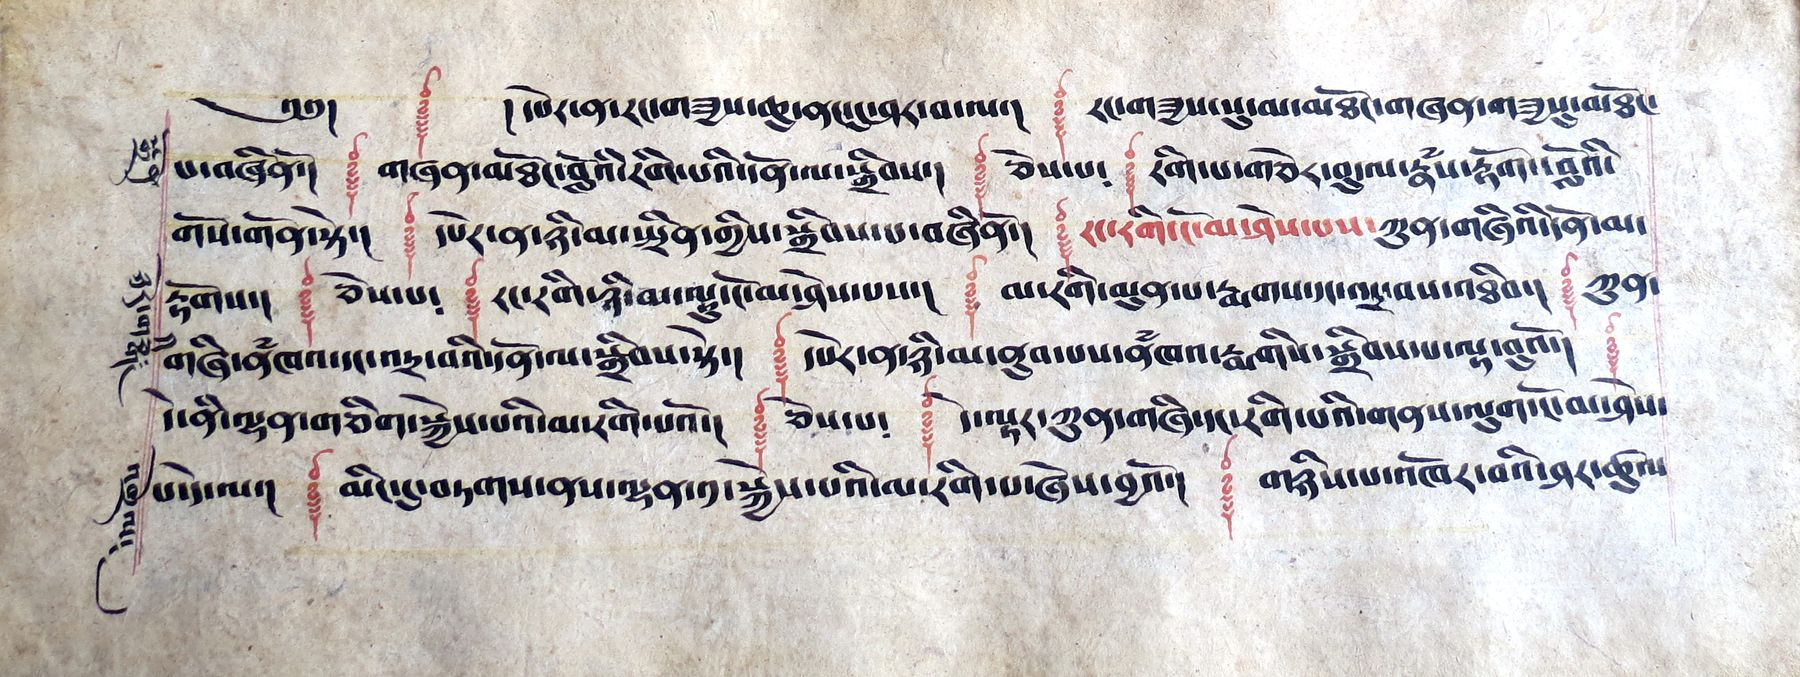དཔེར་ན་རང་གཟུགས་ཆུ་ནང་དུ་ཤར་བ་ལ། རང་གཟུགས་སུ་མ་མཐོང་གཞན་གཟུགས་སུ་མཐོང་
བ་བཞིན་ནོ། །གཞན་མཐོང་བློ་ཡི་རིག་པའི་དོན་ལ་སྒྲིབ་ཅེས་པས། རིག་པ་གཅེར་བུ་ལ་རྣམ་རྟོག་བློ་ཡིས་
གོས་གྱོན་ཏེ། དཔེར་ན་ཉི་མ་སྤྲིན་གྱིས་སྒྲིབ་པ་བཞིན་ནོ། །རང་རིག་ངོ་མ་ཤེས་པས་ཀུན་གཞིའི་དོན་མ་
རྟོགས། །ཞེས་པས། རང་རིག་ཉི་མ་ལྟ་བུ་ངོ་མ་ཤེས་པས། མ་རིག་མུན་པ་སྨག་དང་འདྲ་བ་འཐིབས། ཀུན་
གཞི་ནམ་མཁའ་དང་འདྲ་བའི་དོན་ལ་སྒྲིབ་སྟེ། དཔེར་ན་ཉི་མ་ནུབ་པས་ནམ་མཁའ་སྨག་གིས་སྒྲིབ་པ་ལྟ་བུའོ། །
དེ་ལྷན་ཅིག་སྐྱེས་པའི་མ་རིག་པའོ། །ཞེས་པས་དེ་ལྟར་ཀུན་གཞི་དང་རིག་པའི་གནས་ལུགས་ངོ་མ་ཤེས་
པ་དེ་ལ། མིང་དུ་བཏགས་ན་ལྷན་ཅིག་སྐྱེས་པའི་མ་རིག་པ་ཞེས་བྱའོ། །གཉིས་པ་འཁོར་བའི་ཤར་ཚུལ་